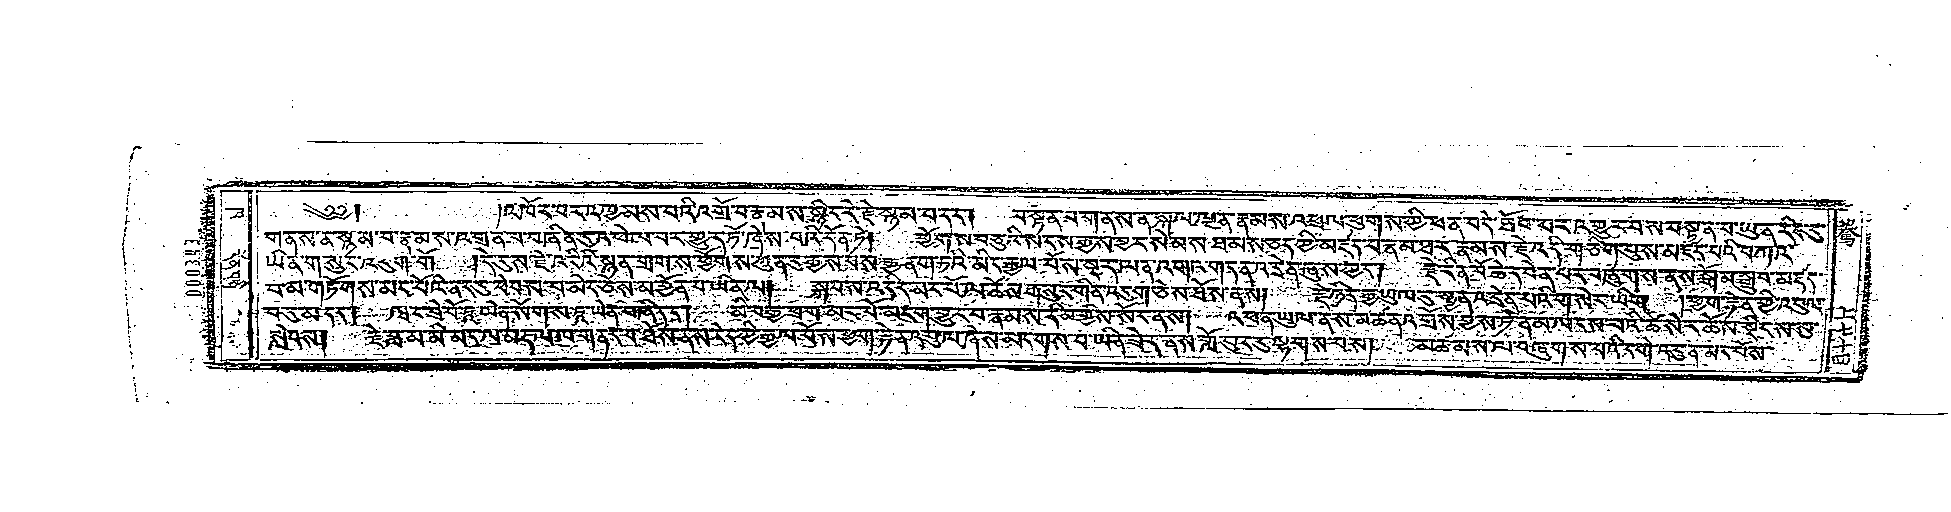༄༅། །འཁོར་བར་འཁྱམས་པའི་འགྲོ་བ་རྣམས་སྙིང་རེ་རྗེ་སྙམ་པ་དང་། བསྟན་པ་གནས་ན་སྐལ་ལྡན་རྣམས་འཕྲལ་ཕུགས་ཀྱི་ཕན་བདེ་ཐོབ་པར་འགྱུར་བས་བསྟན་པ་ཡུན་རིང་དུ་
གནས་ན་སྙམ་པ་རྣམས་འགྲན་པ་བཞིན་དུ་འཕེལ་བར་གྱུར་ཏོ་ཞེས་པའི་དོན་ཏེ། ཕྱོགས་བཅུའི་སངས་རྒྱས་བྱང་སེམས་ཐམས་ཅད་ཀྱི་མཛད་པ་རྣམ་ཐར་རྣམས་རྗེ་འདི་གཅིག་པུས་མཛད་པའི་བཀའ་
ཡིན་གསུང་འདུག་གོ །དེ་དུས་རྗེ་འདིའི་སྙན་གྲགས་ཕྱོགས་ཀུན་དུ་རྒྱས་པས་རྒྱ་ནག་ཏའི་མིང་རྒྱལ་པོས་སྔར་ལན་འགའ་གདན་འདྲེན་ཞུས་ཀྱང་། རྗེ་རིན་པོ་ཆེ་དབེན་པར་བཞུགས་ནས་སྒོམ་སྒྲུབ་མཛད་
པ་མ་གཏོགས་མང་པོའི་ནང་དུ་ཕེབས་པ་མེད་ཅེས་མ་བྱོན་པ་ཡིན་ལ། སྐབས་འདིར་མང་པོ་ལ་ཆོས་གསུང་གིན་འདུག་ཅེས་ཐོས་ནས། རྗེ་ཉིད་རྒྱ་ཡུལ་དུ་སྤྱན་འདྲེན་པའི་གསེར་ཡིག །ཕྱག་རྟེན་གྱི་འབུལ་
བ་དུ་མ་དང་། ཝང་བྲེ་བོ་ཏཱ་ཡེན་སོགས་ཏཱ་ཡེན་བཞི་དང་། མི་བརྒྱ་ཕྲག་མང་པོ་མངག་བྱུང་བ་རྣམས་རིམ་གྱིས་སོང་ནས། འཕན་ཡུལ་ནས་མཚན་འགྲོས་བྱས་ཏེ་ནམ་ལངས་བའི་ཚེ་སེ་ར་ཆོས་སྡིངས་སུ་
སླེབས། རྗེ་བླ་མ་མི་མང་ལ་མཇལ་ཁ་གནང་བ་ཐོས་ནས་ངེད་ཀྱི་རྒྱལ་པོས་ཕྱག་རྟེན་འབུལ་ཞེས་མངགས་པ་ཡིན་ཟེར་ནས་གློ་བུར་དུ་ལྷགས་པས། མཚམས་ལ་བཞུགས་པའི་དགེ་འདུན་མང་པོས་